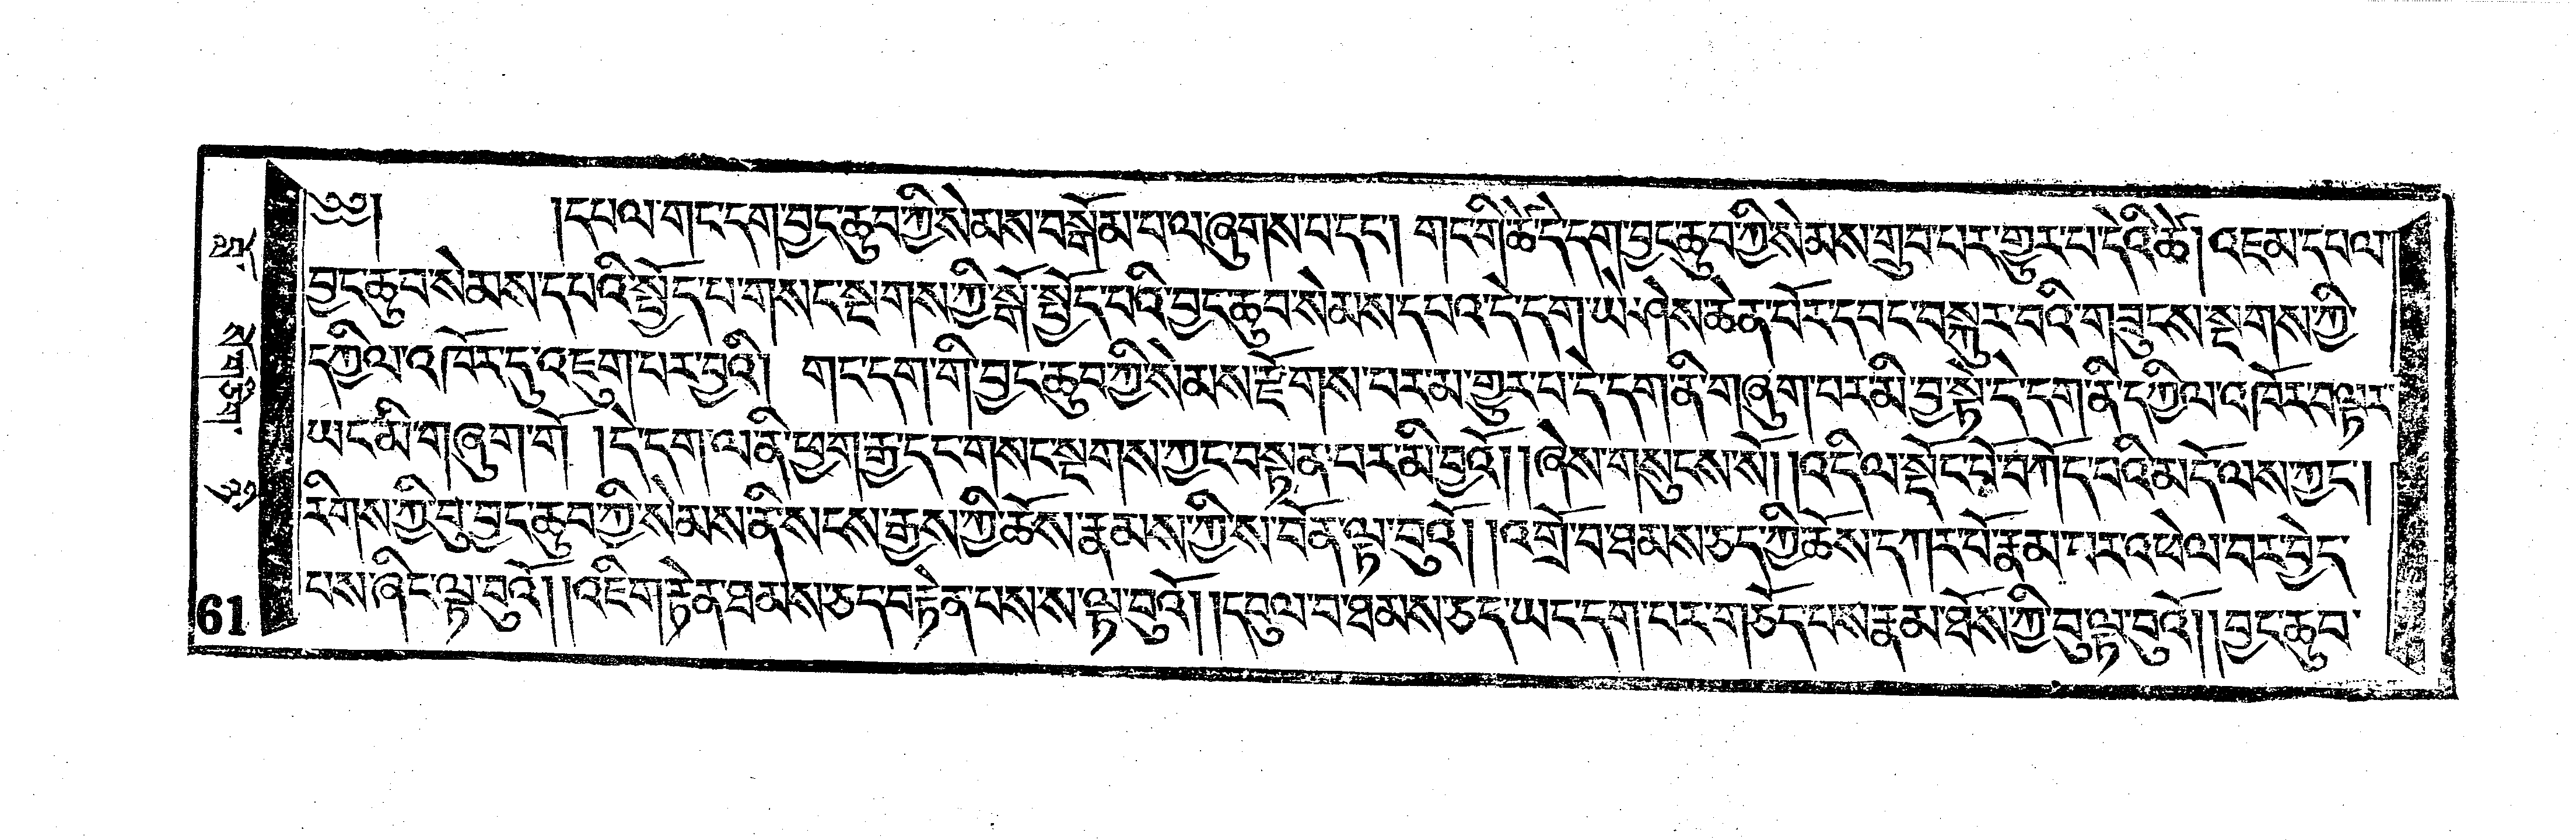༄༅། །དཔལ་གང་དག་བྱང་ཆུབ་ཀྱི་སེམས་བསྒོམ་པ་ལ་ཞུགས་པ་དང་། གང་གི་ཚེ་དེ་དག་བྱང་ཆུབ་ཀྱི་སེམས་གྲུབ་པར་གྱུར་པ་དེའི་ཚེ། འཇམ་དཔལ་
བྱང་ཆུབ་སེམས་དཔའི་སྤྱོད་པ་གསང་སྔགས་ཀྱི་སྒོ་སྤྱོད་པའི་བྱང་ཆུབ་སེམས་དཔའ་དེ་དག་ཡེ་ཤེས་ཆེན་པོར་དབང་བསྐུར་བའི་གཟུངས་སྔགས་ཀྱི་
དཀྱིལ་འཁོར་དུ་འཇུག་པར་བྱའི། གང་དག་གི་བྱང་ཆུབ་ཀྱི་སེམས་རྫོགས་པར་མ་གྱུར་པ་དེ་དག་ནི་གཞུག་པར་མི་བྱ་སྟེ་དེ་དག་ནི་དཀྱིལ་འཁོར་བལྟར་
ཡང་མི་གཞུག་གོ །དེ་དག་ལ་ནི་ཕྱག་རྒྱ་དང་གསང་སྔགས་ཀྱང་བསྟན་པར་མི་བྱའོ། །ཞེས་གསུངས་སོ། །འདི་ལ་སྡོང་པོ་བཀོད་པའི་མདོ་ལས་ཀྱང་།
རིགས་ཀྱི་བུ་བྱང་ཆུབ་ཀྱི་སེམས་ནི་སངས་རྒྱས་ཀྱི་ཆོས་རྣམས་ཀྱི་ས་བོན་ལྟ་བུའོ། །འགྲོ་བ་ཐམས་ཅད་ཀྱི་ཆོས་དཀར་པོ་རྣམ་པར་འཕེལ་བར་བྱེད་
པས་ཞིང་ལྟ་བུའོ། །འཇིག་རྟེན་ཐམས་ཅད་བརྟེན་པས་ས་ལྟ་བུའོ། །དབུལ་བ་ཐམས་ཅད་ཡང་དག་པར་གཅོད་པས་རྣམ་ཐོས་ཀྱི་བུ་ལྟ་བུའོ། །བྱང་ཆུབ་